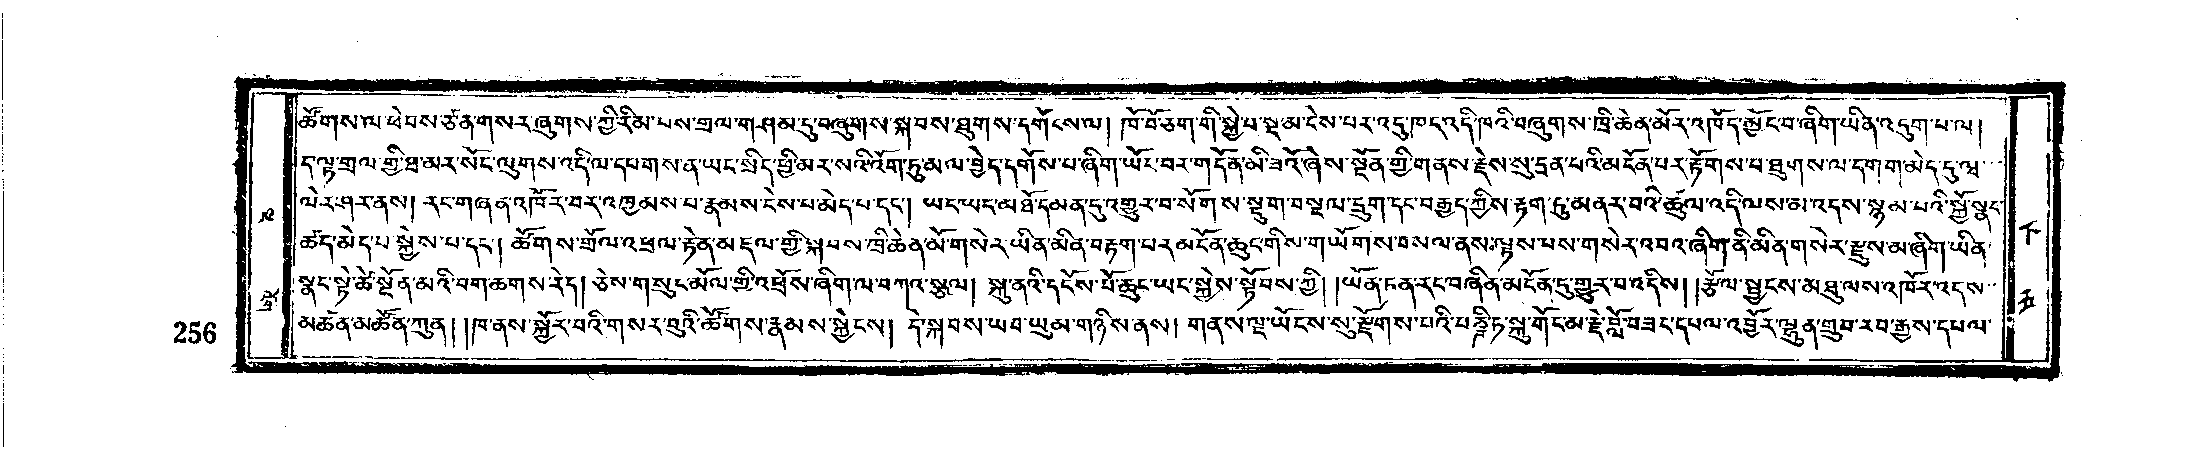ཚོགས་ལ་ཕེབས་ཙ་ན་གསར་ཞུགས་ཀྱི་རིམ་པས་གྲལ་གཤམ་དུ་བཞུགས་སྐབས་ཐུགས་དགོངས་ལ། ཁོ་བོ་ཅག་གི་སྐྱེ་བ་སྔ་མ་ངེས་པར་འདུ་ཁང་འདི་ཁའི་བཞུགས་ཁྲི་ཆེན་མོར་འཁོད་མྱོང་བ་ཞིག་ཡིན་འདུག་པ་ལ།
ད་ལྟ་གྲལ་གྱི་ཐ་མར་སོང་ལུགས་འདི་ལ་དཔགས་ན་ཡང་སྲིད་ཕྱི་མར་སའི་འོག་ཏུ་མལ་བྱེད་དགོས་པ་ཞིག་ཡོང་བར་གདོན་མི་ཟའོ་ཞེས་སྔོན་གྱི་གནས་རྗེས་སུ་དྲན་པའི་མངོན་པར་རྟོགས་པ་ཐུགས་ལ་དགག་མེད་དུ་ཝ་
ལེར་ཤར་ནས། རང་གཞན་འཁོར་བར་འཁྱམས་པ་རྣམས་ངེས་པ་མེད་པ་དང་། ཡང་ཡང་མཐོ་དམན་དུ་འགྱུར་བ?་སོགས་སྡུག་བསྔལ་དྲུག་དང་བརྒྱད་ཀྱིས་རྟག་ཏུ་མནར་བའི་ཚུལ་འདི་ལས་མ་འདས་སྙམ་པའི་སྐྱོ་སྣང་
ཚད་མེད་པ་སྐྱེས་པ་དང་། ཚོགས་གྲོལ་འཕྲལ་རྟེན་མཇལ་གྱི་སྐབས་ཁྲི་ཆེན་མོ་གསེར་ཡིན་མིན་བརྟག་པར་མངོན་ཆུང་གིས་གཡོགས་བསལ་ནས་ལྟས་པས་གསེར་འབའ་ཞིག་ནི་མིན་གསེར་རྫུས་མ་ཞིག་ཡིན་
སྣང་སྟེ་ཚེ་སྔོན་མའི་བག་ཆགས་རེད། ཅེས་གསུང་མོལ་གྱི་འཕྲོས་ཞིག་ལ་བཀའ་སྩལ། སྐུ་ནའི་དངོས་པོ་ཆུང་ཡང་སྐྱེས་སྟོབས་ཀྱི། །ཡོན་ཏན་རང་བཞིན་མངོན་དུ་གྱུར་བ་འདིས། །རྩོལ་སྦྱངས་མཐུ་ལས་འཁོར་འདས་
མཚན་མཚོན་ཀུན། །ཁ་ནས་སྐྱོར་བའི་གསར་བུའི་ཚོགས་རྣམས་སྐྱེངས། དེ་སྐབས་ཡབ་ཡུམ་གཉིས་ནས། གནས་ལྔ་ཡོངས་སུ་རྫོགས་པའི་པཎྜི་ཏ་སྐུ་གོང་མ་རྗེ་བློ་བཟང་དཔལ་འབྱོར་ལྷུན་གྲུབ་རབ་རྒྱས་དཔལ་